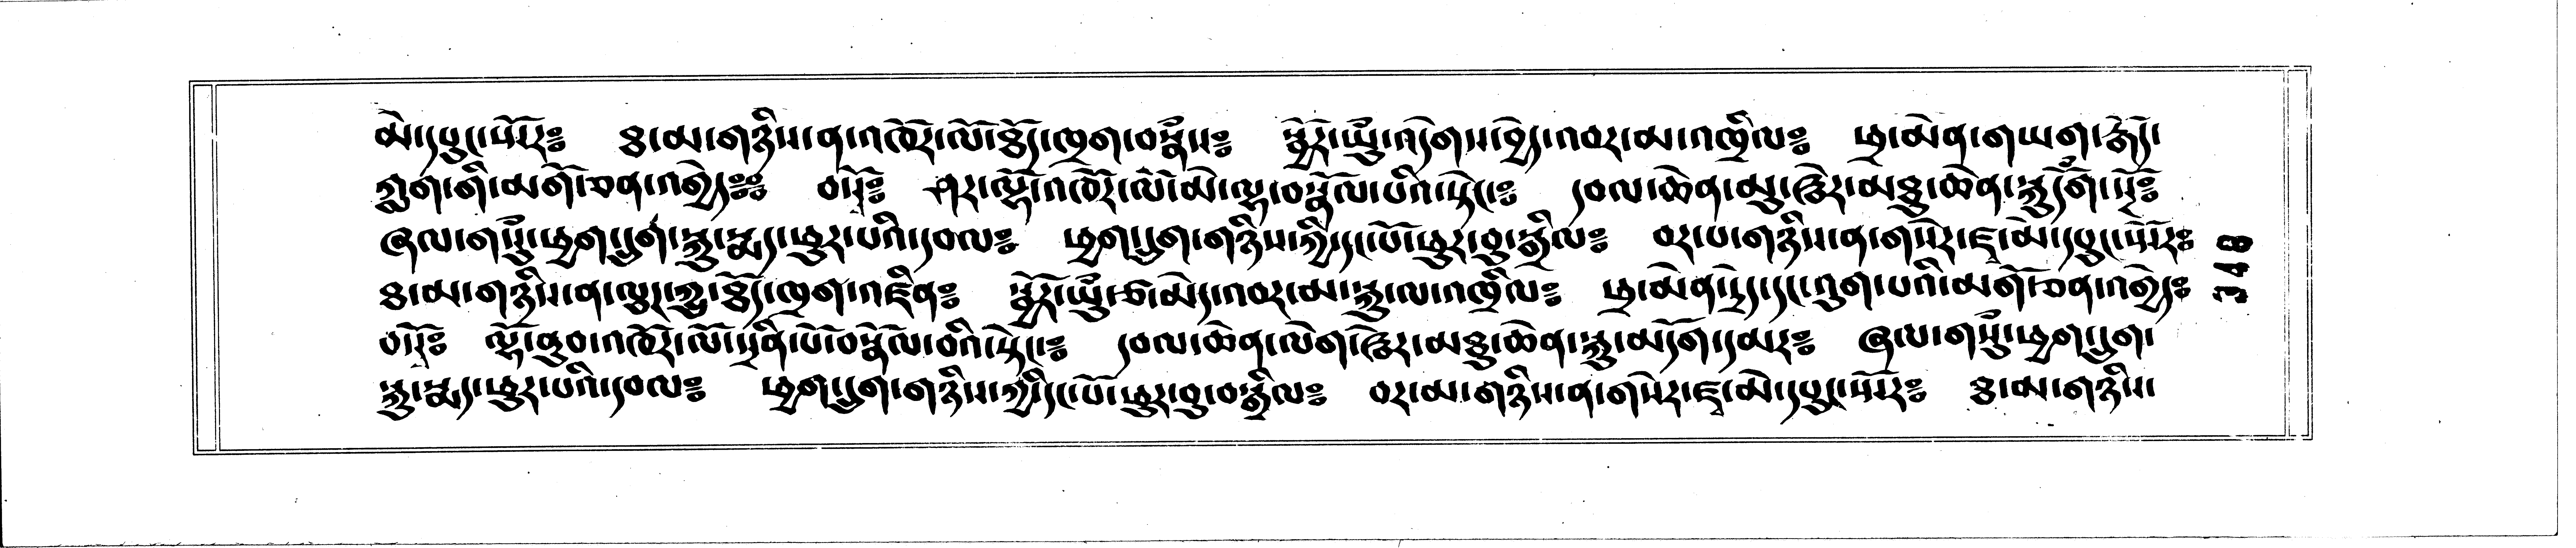མེ་དཔུང་སྤོར༔ ཐ་མ་གཉིས་ན་འཁོར་ལོ་ཐོད་ཁྲག་བསྣམས༔ སྦྱོར་ཡུམ་འདེགས་བྱེད་འབར་མ་སྐུ་ལ་འཁྲིལ༔ ཕྲ་མེན་གཡག་རྒོད་
ཀླག་གི་མགོ་ཅན་འགྱེད༔༔ བསྭོ༔་ཤར་ལྷོ་འཁོར་ལོ་མེ་ལྷ་བསྣོལ་བའི་སྟེང་༔ དབལ་ཆེན་མུ་ཝེར་མཐུ་ཆེན་སྐུ་མདོག་སྔོ༔ 
ཞལ་གསུམ་ཕྱག་དྲུག་སྐུ་སྨད་ཕུར་པའི་དབལ༔ ཕྱག་དྲུག་གཉིས་ཀྱི་དང་པོ་ཕུར་བུ་སྒྲིལ༔ བར་པ་གཉིས་ན་གསེར་ཛྭ་མེ་དཔུང་སྤོར༔ 
ཐ་མ་གཉིས་ན་ལྕགས་ཀྱུ་ཐོད་ཁྲག་འཛིན༔ སྦྱོར་ཡུམ་ཙ་མེད་འབར་མ་སྐུ་ལ་འཁྲིལ༔ ཕྲ་མེན་དྲེད་དང་འུག་པའི་མགོ་ཅན་འགྱེད༔ 
བསྭོ༔ ལྷོ་ནུབ་འཁོར་ལོ་སྲིན་པོ་བསྣོལ་བའི་སྟེང་༔ དབལ་ཆེན་ལེག་ཝེར་མཐུ་ཆེན་སྐུ་མདོག་དམར༔ ཞལ་གསུམ་ཕྱག་དྲུག་
སྐུ་སྨད་ཕུར་པའི་དབལ༔ ཕྱག་དྲུག་གཉིས་ཀྱི་དང་པོ་ཕུར་བུ་བསྒྲིལ༔ བར་མ་གཉིས་ན་གསེར་ཛྭ་མེ་དཔུང་སྤར༔ ཐ་མ་གཉིས་